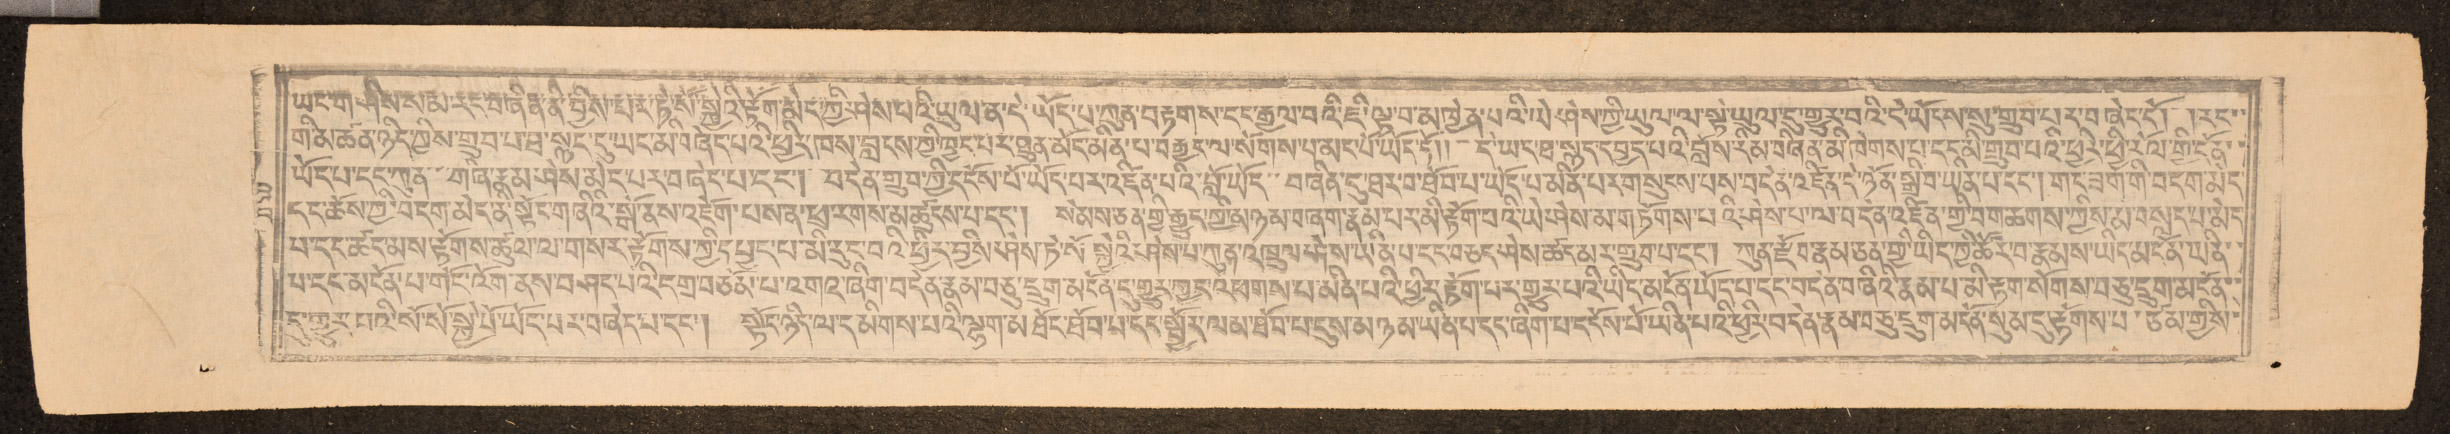ཡང་གཤིས་སམ་རང་བཞིན་ནི་བྱིས་པར་ཏེ་སོ་སྐྱེའི་རྟོག་མེད་ཀྱི་ཤེས་པའི་ཡུལ་ན་དེ་ཡོད་པ་ཀུན་བརྟགས་དང་རྒྱལ་བའི་ཇི་ལྟ་བ་མཁྱེན་པའི་ཡེ་ཤེས་ཀྱི་ཡུལ་ལ་སྟེ་ཡུལ་དུ་གྱུར་བའི་དེ་ཡོངས་སུ་གྲུབ་པར་བཞེད་དོ། །རང་
གི་མཚན་ཉིད་ཀྱིས་གྲུབ་པ་ཐ་སྙད་དུ་ཡང་མི་བཞེད་པའི་ཕྱིར་ཁས་བླངས་ཀྱི་ཁྱད་པར་ཐུན་མོང་མིན་པ་བརྒྱད་ལ་སོགས་པ་མང་པོ་ཡོད་དོ།། དེ་ཡང་ཐ་སྙད་དཔྱད་པའི་བློས་རིམ་བཞིན་མི་ཁེགས་པ་དན་མི་གྲུབ་པའི་ཕྱིར་ཕྱི་རོལ་གྱི་དོན་
ཡོད་པ་དང་ཀུན་གཞི་རྣམ་ཤེས་མེད་པར་བཞེང་པ་དང་། བདེན་གྲུབ་ཀྱི་དངོས་པོ་ཡོད་པར་འཛིན་པའི་བློ་ཡོད་བཞིན་དུ་ཐར་བ་ཐོབ་པ་ཡོད་པ་མིན་པར་གསུངས་པས་བདེན་འཛིན་དེ་ཉོན་སྒྲིབ་ཡིན་པ་དང་། གང་ཟག་གི་བདག་མེད་
དང་ཆོས་ཀྱི་བདག་མེད་ནི་སྟོང་གཞིའི་སྒོ་ནས་འཇོག་པས་ན་ཕྲ་རགས་མཚུངས་པ་དང་། སེམས་ཅན་གྱི་རྒྱུད་ཀྱི་མཉམ་བཞག་རྣམ་པར་མི་རྟོག་པའི་ཡེ་ཤེས་མ་གཏོགས་པའི་ཤེས་པ་ལ་བདེན་འཛིན་གྱི་བག་ཆགས་ཀྱིས་མ་བསླད་པ་མེད་
པ་དང་ཚད་མས་རྟོགས་ཚུལ་ལ་གསར་རྟོགས་ཀྱི་དཔྱད་པ་མི་རུང་བའི་ཕྱིར་བྱིས་ཤེས་ཏེ་སོ་སྐྱེའི་ཤེས་པ་ཀུན་འཁྲུལ་ཤེས་ཡིན་པ་དང་བཅས་ཤེས་ཚད་མར་གྲུབ་པ་དང་། ཀུན་རྫོབ་རྣམ་ཅན་གྱི་ཡིད་ཀྱི་ཚོར་བ་རྣམས་ཡིད་མངོན་ཡིན་
པ་དང་མངོན་པ་གོང་འོག་ནས་བཤད་པའི་དགྲ་བཅོམ་པ་འགའ་ཞིག་བདེན་རྣམ་བཅུ་དྲུག་མངོན་དུ་གྱུར་ཀྱང་འཕགས་པ་མིན་པའི་ཕྱིར་རྟོག་པར་གྱུར་པའི་ཡིད་མངོན་ཡོད་པ་དང་བདེན་བཞིའི་རྣམ་པ་མི་རྟག་སོགས་བཅུ་དྲུག་མངོན་
དུ་གྱུར་པའི་སོ་སོ་སྐྱེ་བོ་ཡོད་པར་བཞེད་པ་དང་། སྟོང་ཉིད་ལ་དམིགས་པའི་ལྷག་མཐོང་ཐོབ་པ་དང་སྦྱོར་ལམ་ཐོབ་པ་དུས་མཉམ་ཡིན་པ་དན་ཞིག་པ་དངོས་པོ་ཡིན་པའི་ཕྱིར་བདེན་བ་རྣམ་བཅུ་དྲུག་མངོན་སུམ་དུ་རྟོགས་པ་ཙམ་གྱིས་